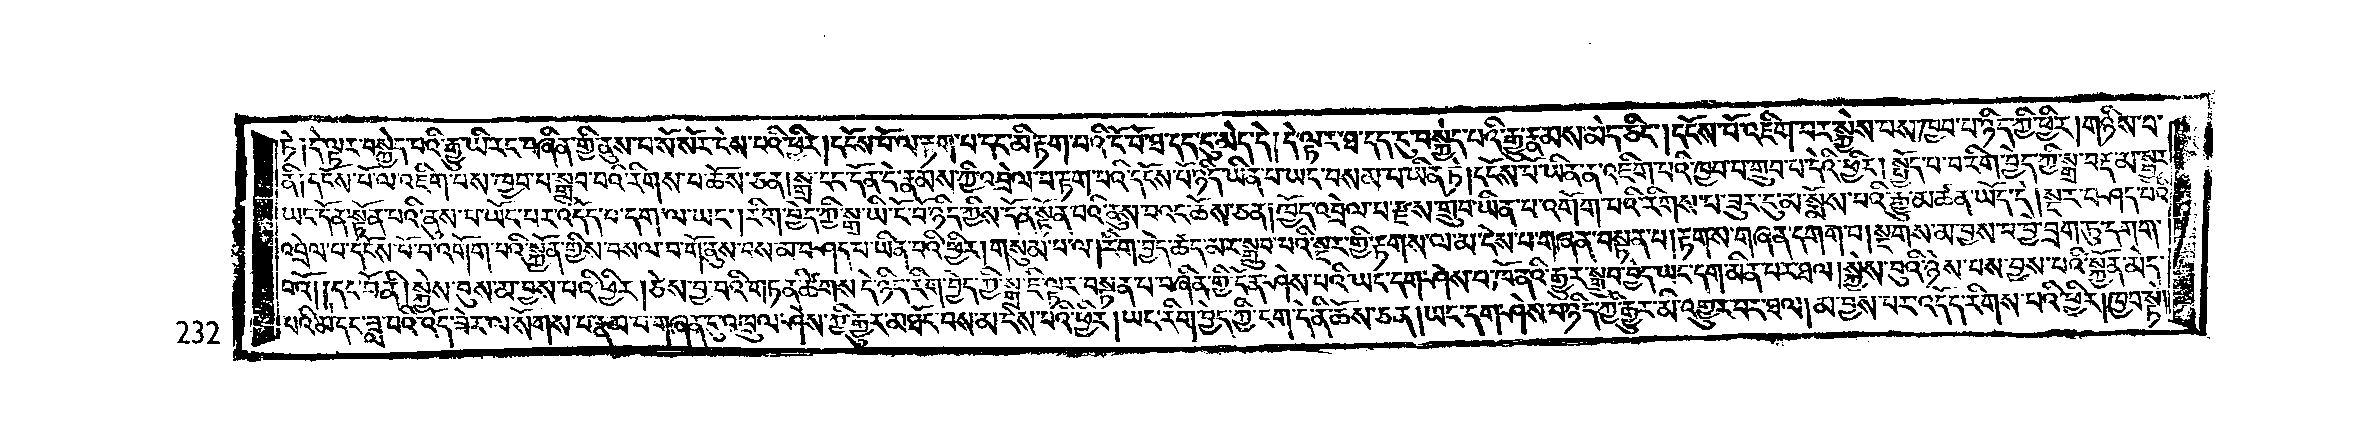ཏེ། དེ་ལྟར་བསྐྱེད་པའི་རྒྱུ་ཡི་རང་བཞིན་གྱི་ནུས་པ་སོ་སོར་ངེས་པའི་ཕྱིར། དངོས་པོ་ལ་རྟག་པ་དང་མི་རྟག་པའི་ངོ་བོ་ཐ་དད་དུ་མེད་དེ། དེ་ལྟར་ཐ་དད་དུ་བསྐྱེད་པའི་རྒྱུ་རྣམས་མེད་ཅིང་། དངོས་པོ་འཇིག་པར་སྐྱེས་པས་ཁྱབ་པ་ཉིད་ཀྱི་ཕྱིར། གཉིས་པ་
ནི། དངོས་པོ་ལ་འཇིག་པས་ཁྱབ་པ་སྒྲུབ་པའི་རིགས་པ་ཆོས་ཅན། སྒྲ་དང་དོན་དེ་རྣམས་ཀྱི་འབྲེལ་བ་རྟག་པའི་དངོས་པོ་ཉིད་ཡིན་པ་ཡང་བསམ་པ་ཡིན་ཏེ། དངོས་པོ་ཡིན་ན་འཇིག་པའི་ཁྱབ་པ་གྲུབ་པ་དེའི་ཕྱིར། སྤྱོད་པ་རིག་བྱེད་ཀྱི་སྒྲ་བརྡ་མ་སྦྱར་
ཡང་དོན་སྟོན་པའི་ནུས་པ་ཡོད་པར་འདོད་པ་དག་ལ་ཡང་། རིག་བྱེད་ཀྱི་སྒྲ་ཡི་ངོ་བོ་ཉིད་ཀྱིས་དོན་སྟོན་པའི་ནུས་པའང་ཆོས་ཅན། ཁྱོད་འབྲེལ་པ་རྫས་གྲུབ་ཡིན་པ་འགོག་པའི་རིགས་པ་ཟུར་དུ་མ་སྨོས་པའི་རྒྱུ་མཚན་ཡོད་དེ། སྔར་བཤད་པའི་
འབྲེལ་པ་དངོས་པོ་བ་འགོག་པའི་སྐྱོན་གྱིས་བསལ་བ་གོ་ནུས་བས་མ་བཤད་པ་ཡིན་པའི་ཕྱིར། གསུམ་པ་ལ། རིག་བྱེད་ཚད་མར་སྒྲུབ་པའི་སྔར་གྱི་རྟགས་ལ་མ་ངེས་པ་གཞན་བསྟན་པ། རྟགས་གཞན་དགག་པ། སྔགས་མ་བྱས་པ་བྱེ་བྲག་ཏུ་དགག་
པའོ། །དང་པོ་ནི། སྐྱེས་བུས་མ་བྱས་པའི་ཕྱིར། ཅེས་བྱ་བའི་གཏན་ཚིགས་དེ་ཉིད་རིག་བྱེད་ཀྱི་སྒྲ་ཇི་ལྟར་བསྟན་པ་བཞིན་གྱི་དོན་ཤེས་པའི་ཡང་དག་ཤེས་པ་ཁོ་ནའི་རྒྱུར་སྒྲུབ་བྱེད་ཡང་དག་མིན་པར་ཐལ། སྐྱེས་བུའི་ཉེས་པས་བྱས་པའི་སྐྱོན་མེད་
པའི་མེ་དང་ཟླ་བའི་འདི་ཟེར་ལ་སོགས་པ་རྣམ་པ་གཞན་དུ་འཁྲུལ་ཤེས་ཀྱི་རྒྱུར་མཐོང་བས་མ་ངེས་པའི་ཕྱིར། ཡང་རིག་བྱེད་ཀྱི་ངག་དེ་ནི་ཆོས་ཅན། ཡང་དག་ཤེས་པ་ཉིད་ཀྱི་རྒྱུར་མི་འགྱུར་བར་ཐལ། མ་བྱས་པར་འདོད་རིགས་པའི་